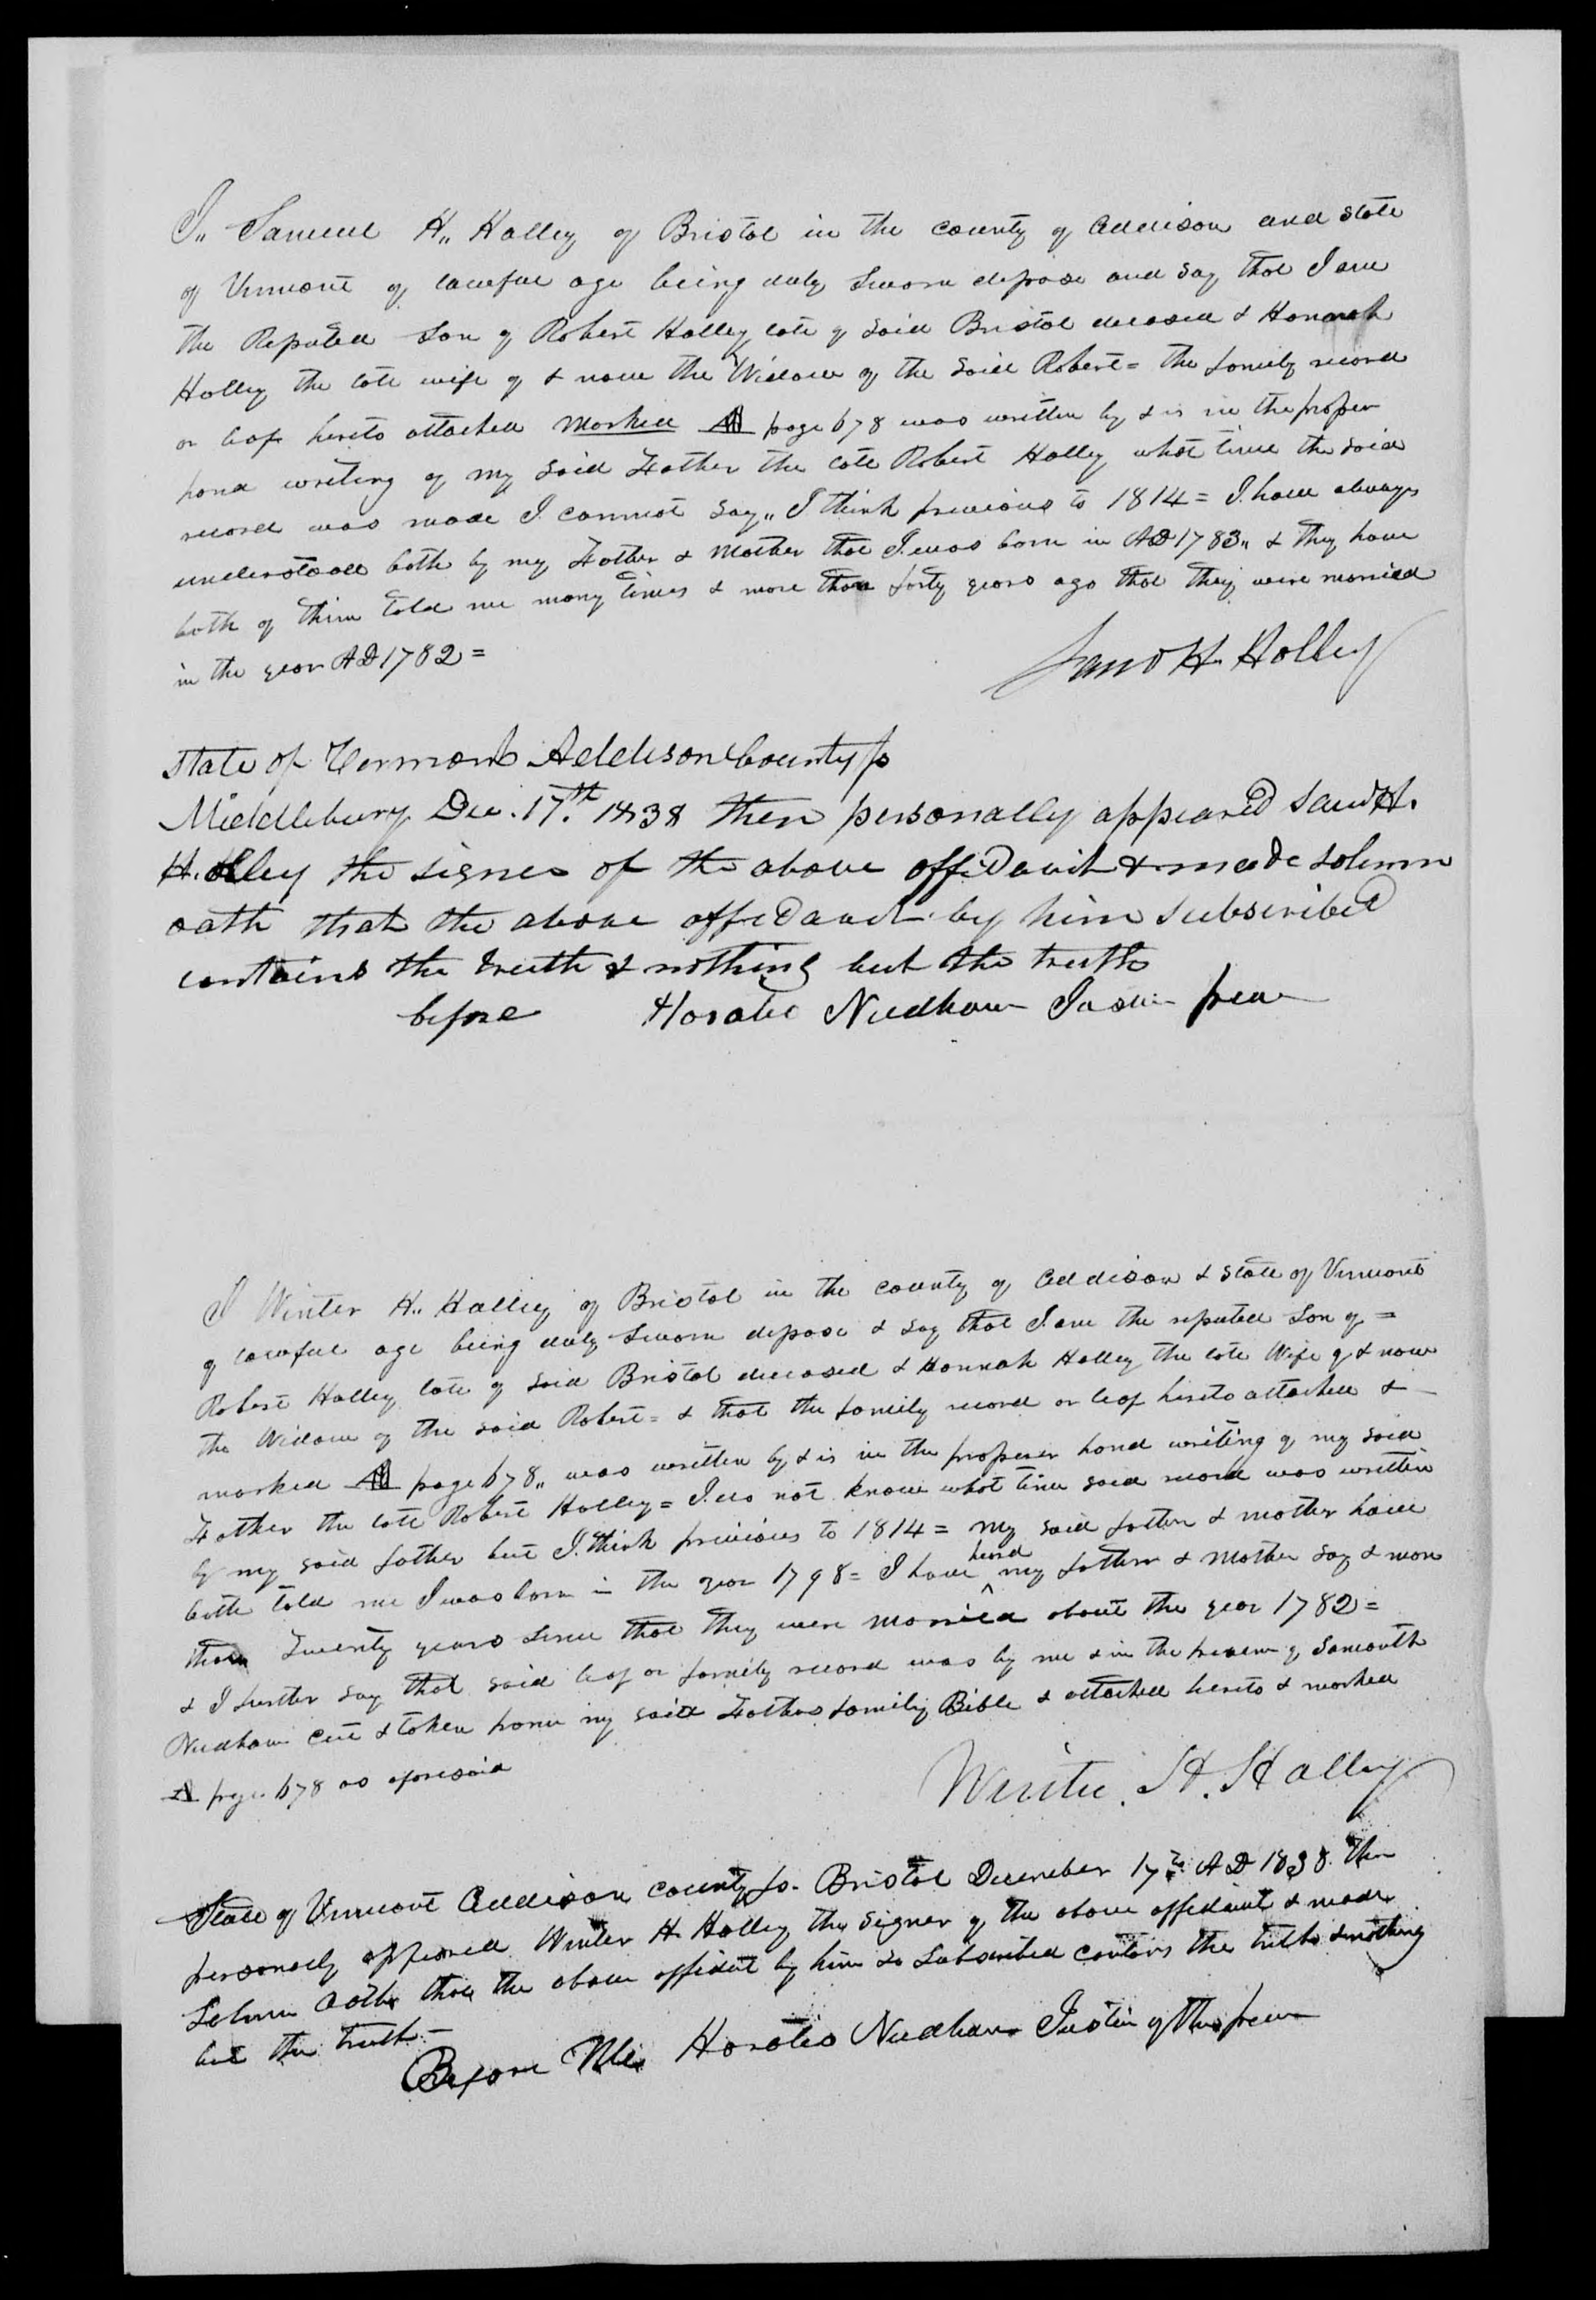I, Samuel H. Holley of Bristol in the County of Addison and State 
of Vermont of lawful age being duly sworn depose and say that I am
the Reputed Son of Robert Holley late of said Bristol deceased & Hannah
Holley the late wife of & now the Widow of the said Robert= The family record
or leaf hereto attached marked A page 678 was written by & is in the proper
hand writing of my said Father the late Robert Holley what time the said
record was made I cannot say, I think previous to 1814= I have always
understood both by my Father & Mother that I was born in AD 1783, & they have
both of them old me many times & more than forty years ago that they were married
in the year AD 1782=
Saml H. Holley
State of Vermont Addison County ss.
Middlebury Dec 17th 1838 then personally appeared said H.
Holley the signer of the above affidavit & made solemn
oath that the above affidavit by him subscribed
contains the truth & nothing but the truth
before
Horatio Needham Justice peace
I Winter H. Holley of Bristol in the County of Addison & State of Vermont
lawful age being duly sworn depose & say that I am the reputed son of=
Robert Holley late of said Bristol deceased & Hannah Holley the late Wife of & now
the Widow of the said Robert = & that the family record or leaf hereto attached &
marked A page 678, was written by & is in the proper hand writing of my said
Father the late Robert Holley=  I do not know what time said work was written
by my said father but I think previous to 1814=  my said father & mother have
both told me I was born in the year 1798= I have heard my father & mother say I now [know] than Twenty years since that they were married about the year 1782=
& I further say that said leaf or family record was by me & in the presence of Samanth
Needham cut & taken from my said Fathers family Bible & attached hereto & marked
A page 678 as aforesaid
Winter H. Holley
State of Vermont Addison County Ss. Bristol December 17th AD 1838. Then
personally appeared
Winter H Holley the Signer of the above affidavit & made
sworn oath that the above affidavit by him & Subscribed contains the truth & nothing
but the truth-
Before Me Horatio Needham Justice of the peace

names: Hannah Holley, Robert Halley, Robert, Robert Halley, Samuel H Halley, Samanth Needham, Horatio Needham, Robert Halley, Horatio Needham, Winter H Halley, Saml H Holley, Winter H Halley, Saml H Holley, Winter H Halley, Robert Halley, Robert, Hannah Halley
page: 53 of 62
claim: widow's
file: W. 21391, Robert Holley, Conn.